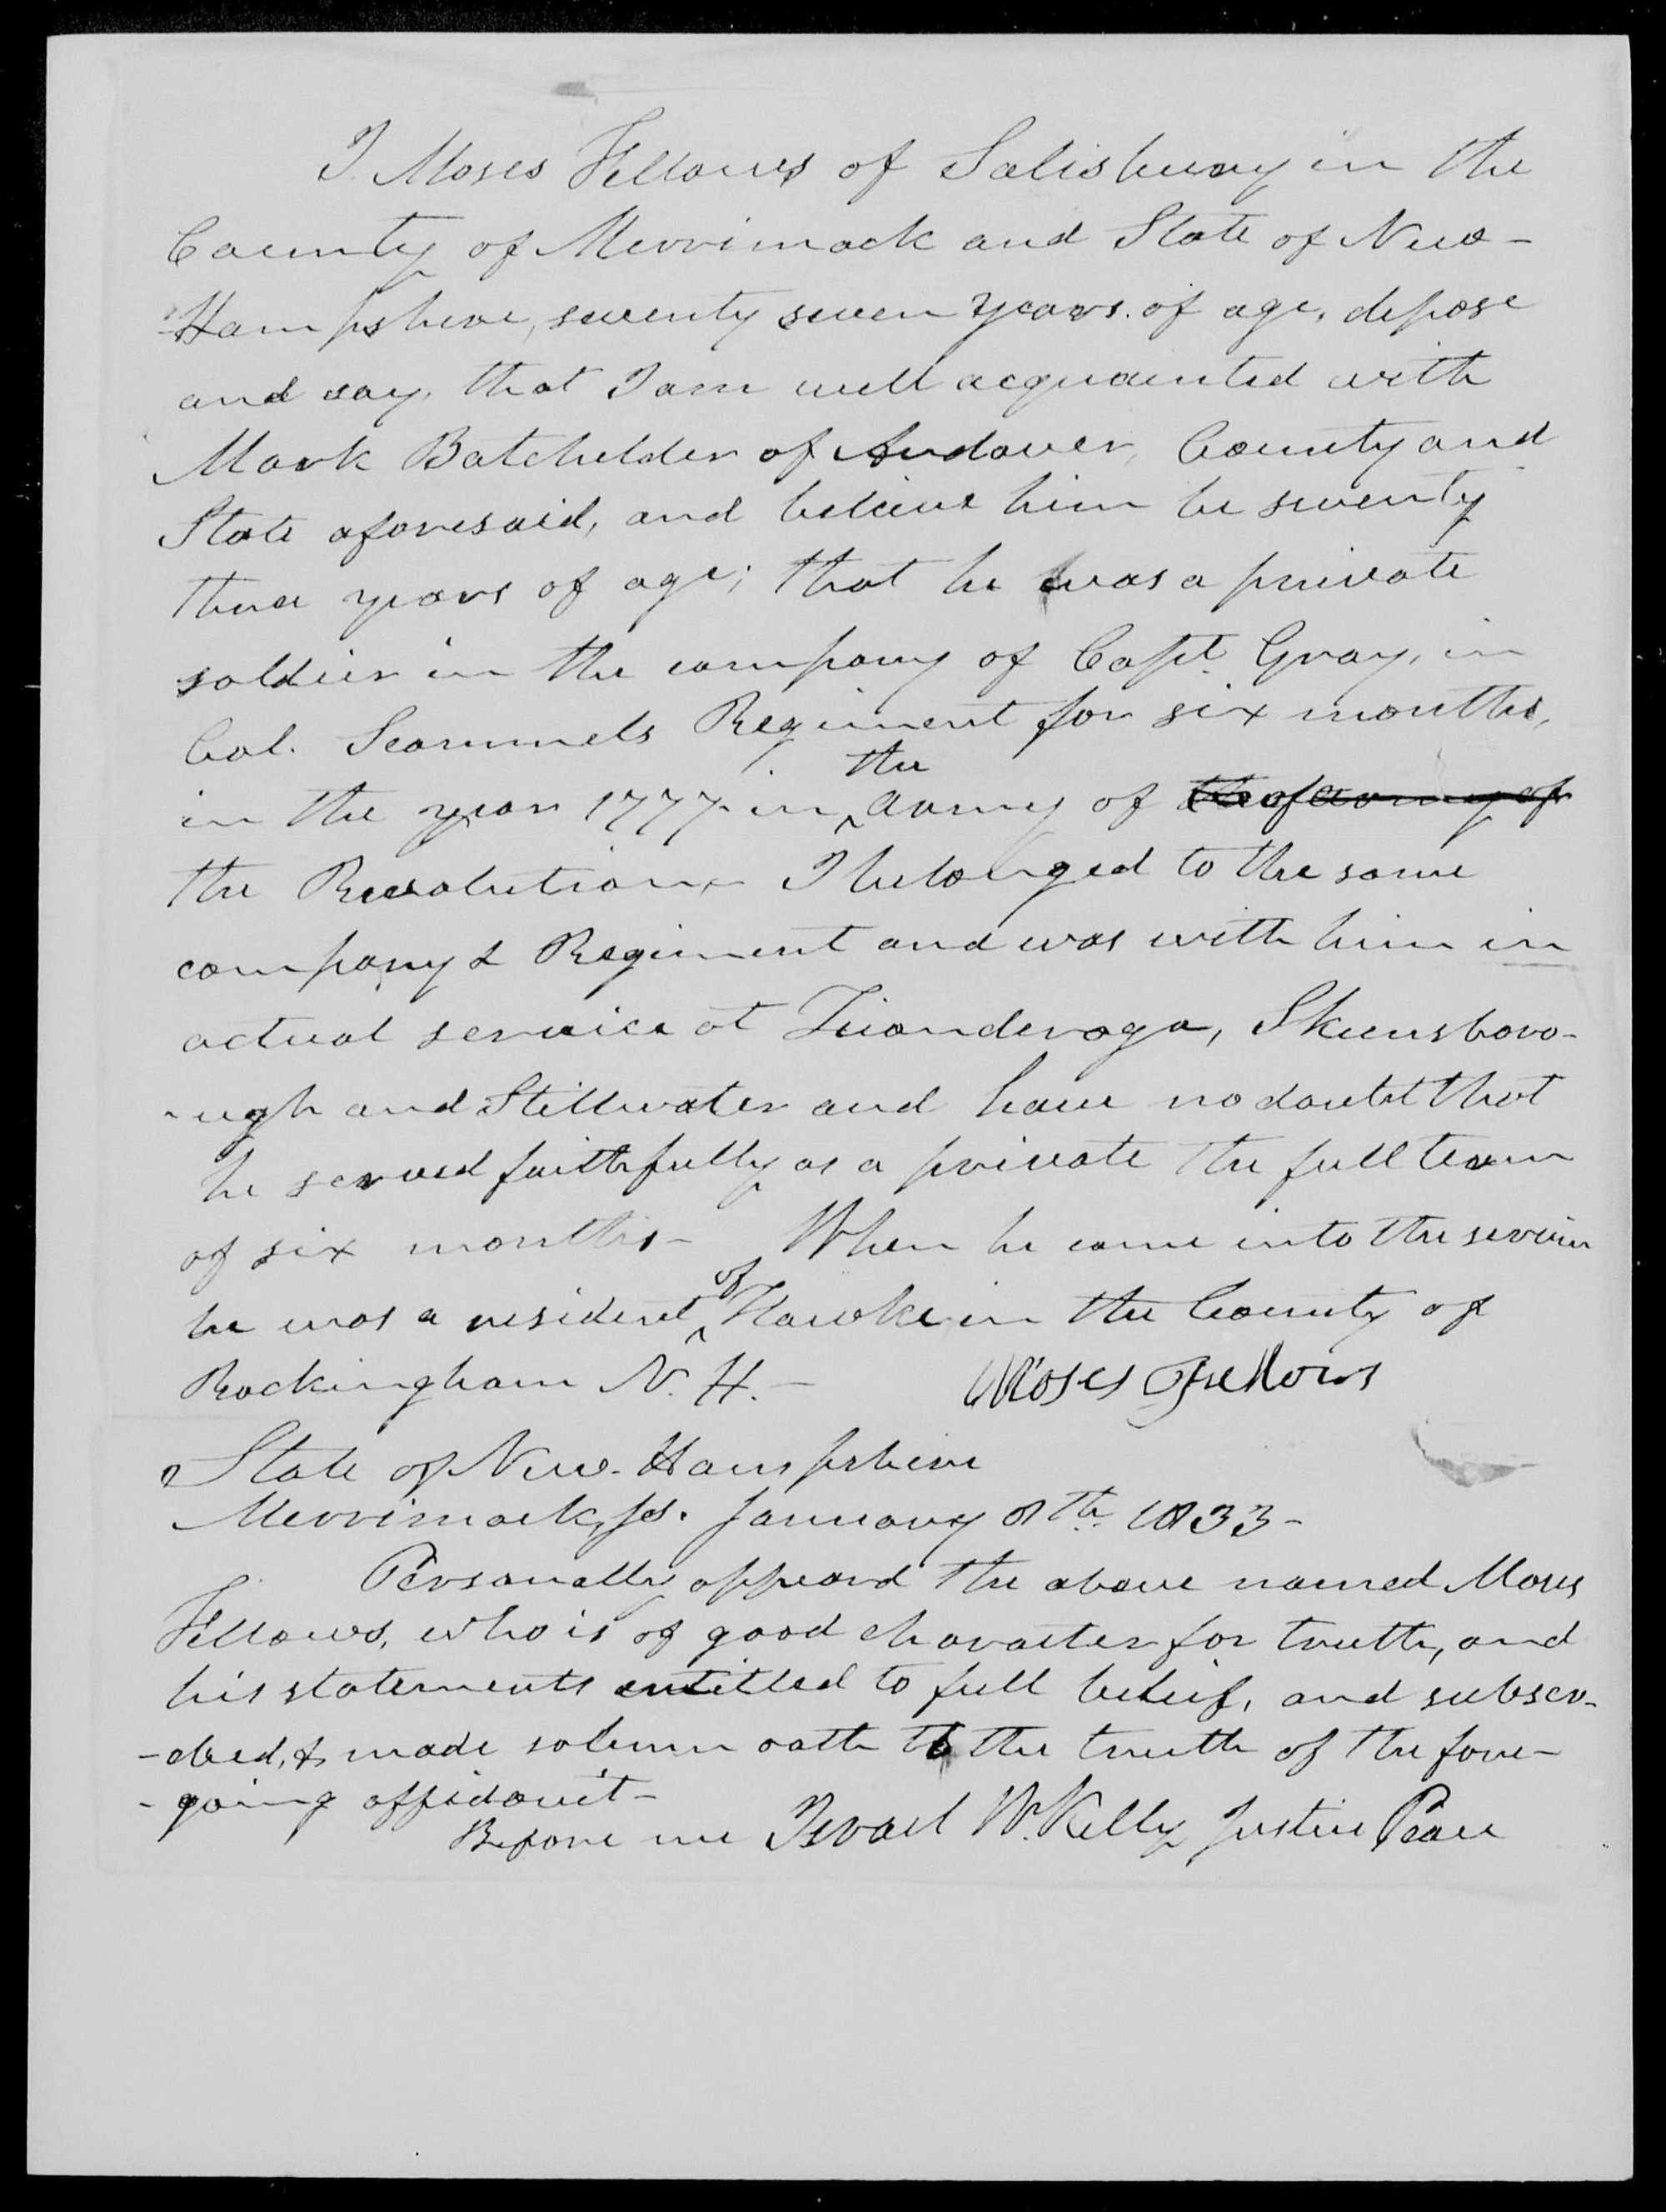I Moses Fillows of Salisbury in the
County of Merrimack and State of New
Hampshire, seventy seven years of age, depose and say, that I am well acquainted with
Mark Batchelder of Andover, County and
State aforesaid, and believe him be seventy
three years of age; that he was a private
soldier in the company of Capt Gray, in
Col. Scammels Regiment for six months,
in the year 1777 in the Army of the
the Revolution. I belonged to the same company & Regiment and was with him in
actual service at Ticonderoga, Skenesborough and Stillwater and have no doubt that
he served faithfully as a private the full term
of six months. When he come into the service
he was a resident of [illegible] in the County of
Rockingham N.H.-
Moses Fellows

State of New Hampshire
Merrimack ss. January 7th 1833

Personally appeared the above named Moses
Fellows, who is of good character for truth, and his statements entitled to full belief, and subscribed & made solemn oath to the truth of the fore-going affidavit-
Before me Levail W. Rally Justice Peace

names: Gray, Israel W Kelly, Mark Batchelder, Moses Fellows, Moses Fellows, Moses Fellows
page: 5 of 11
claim: survivor's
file: S. 15302, Mark Batchelder, N. H